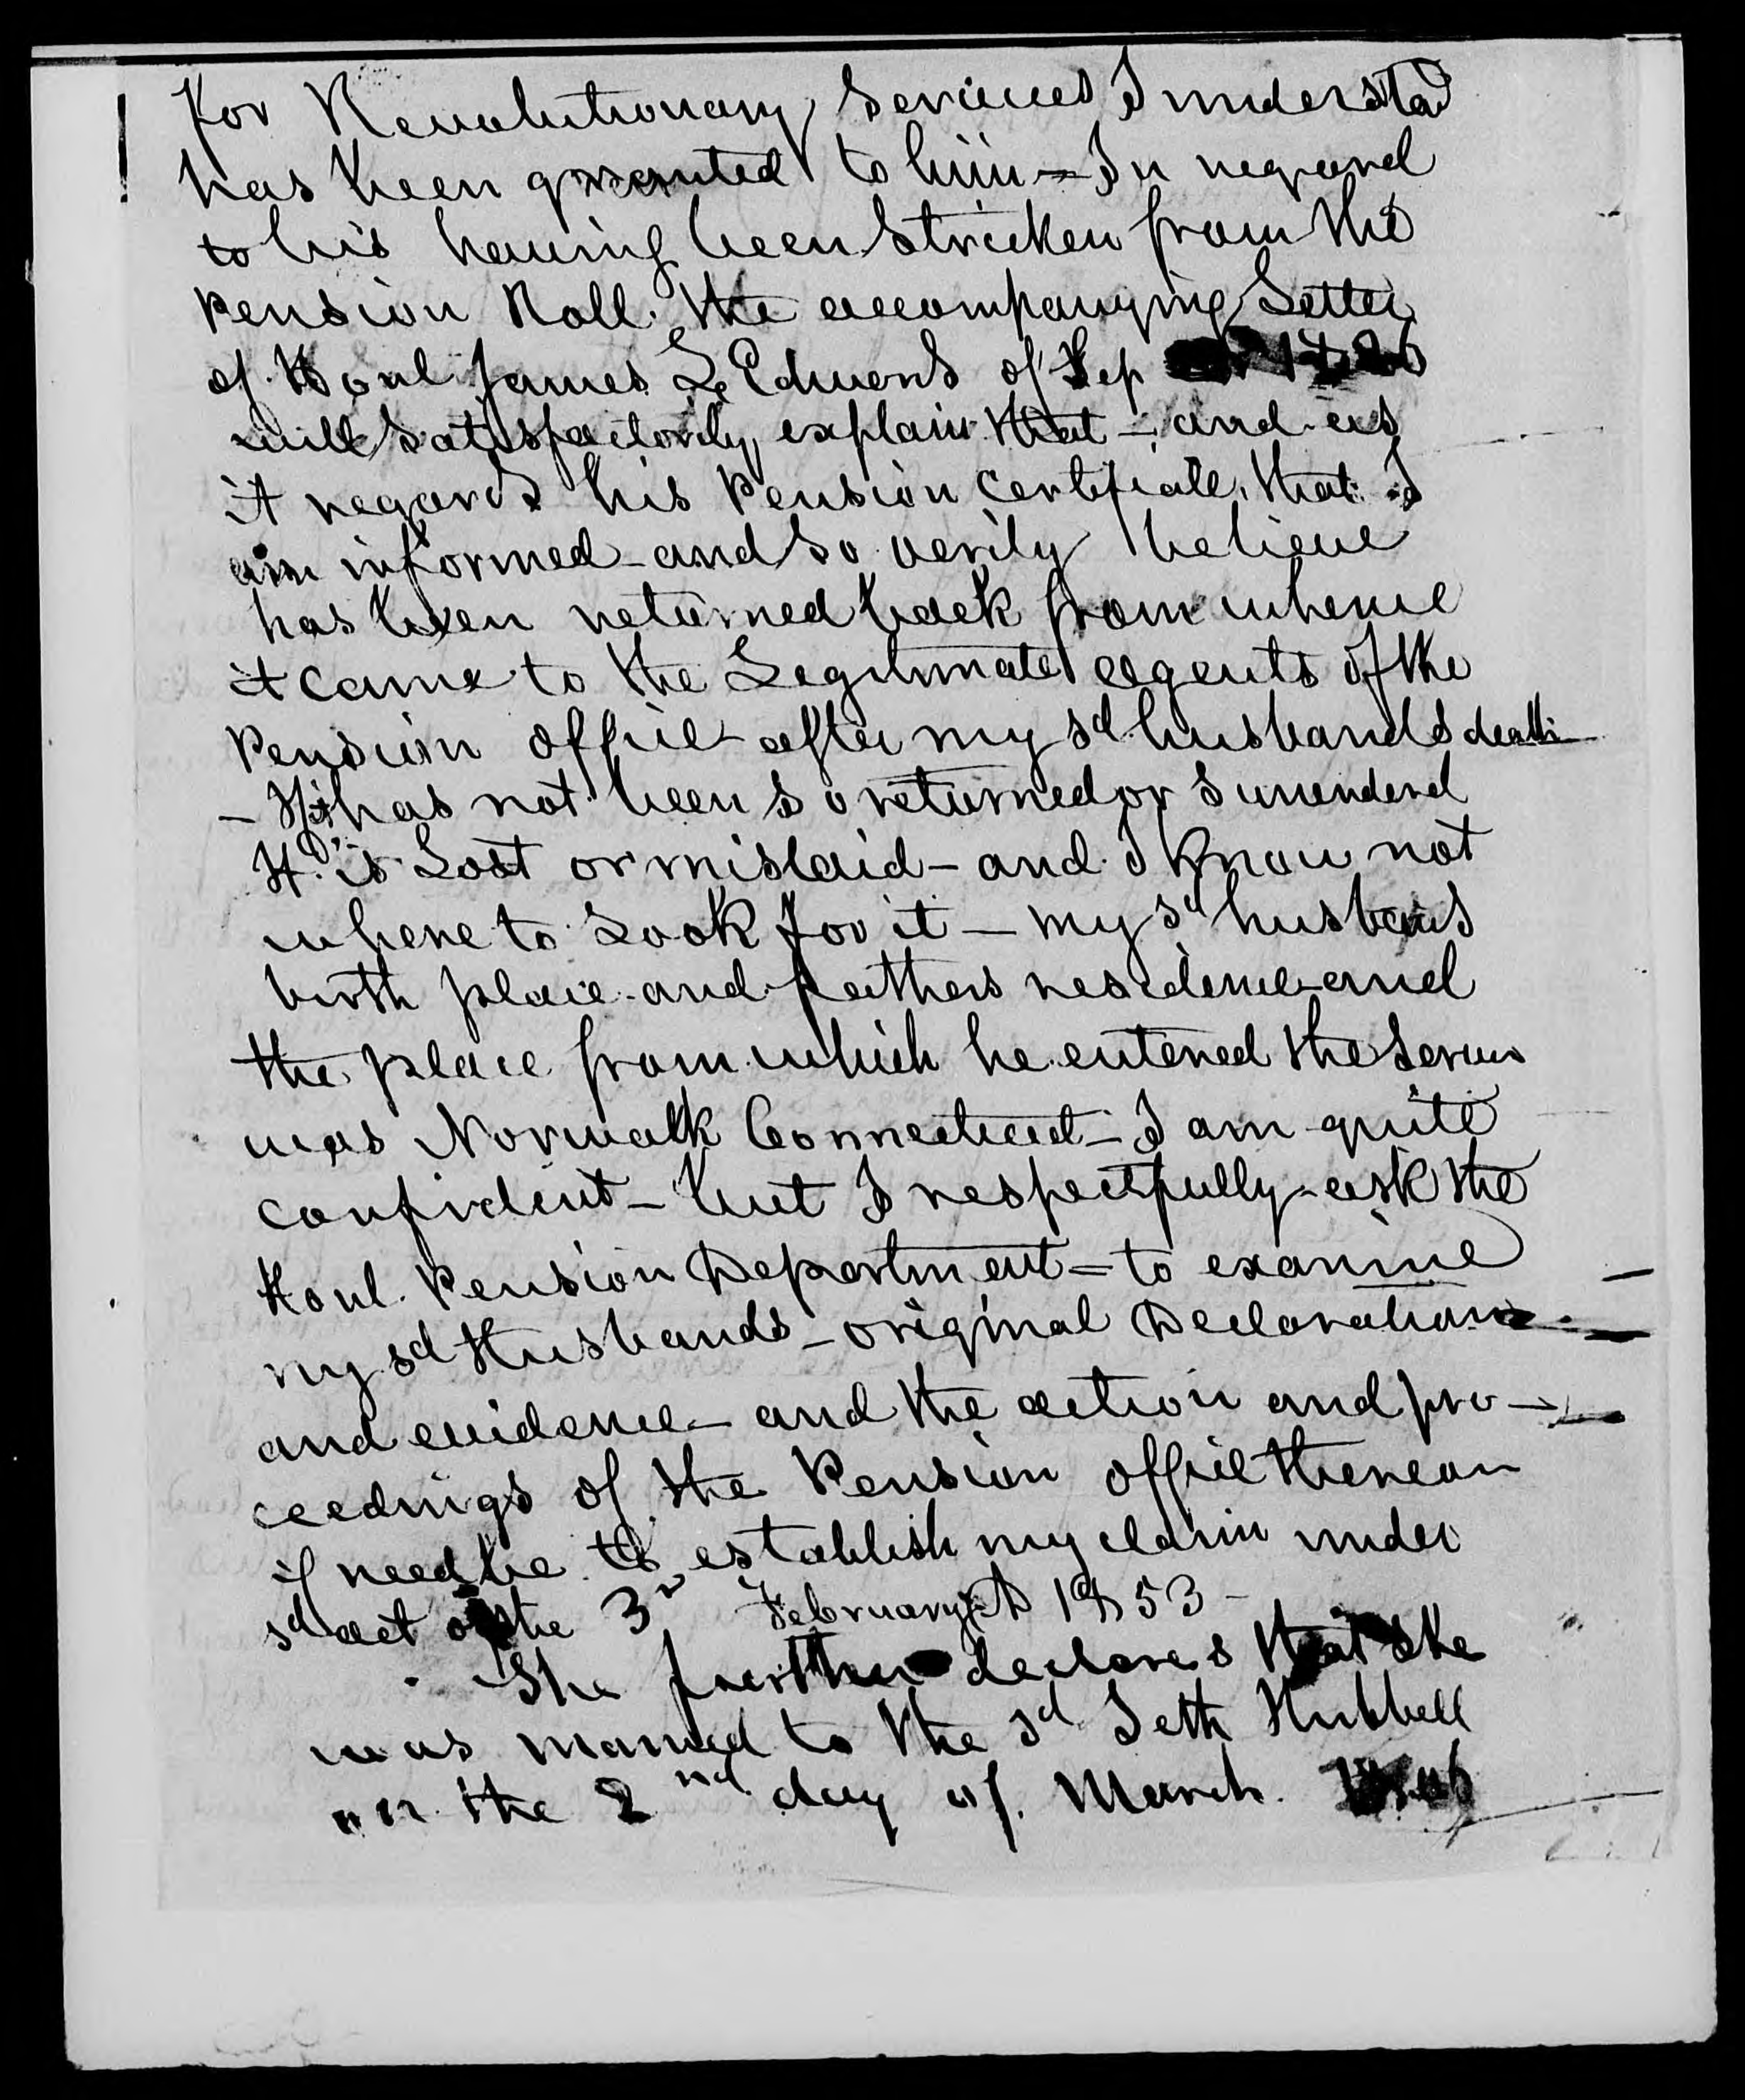for Revolutionary Services I understand has been granted to him - In regard to his having been Stricken from the Pension Roll the accompanying Letter of Honl James L Edwards of Sep 18[digit smudged]6 will satisfactorily explain that _ and as it regards his Pension Certificate that I am informed and so verily believe has been returned back from where it came to the Legitimate agents of the Pension office after my sd. husbands death _ If it has not been so returned or surrendered it is lost or mislaid - and I know not where to look for it - my sd husbands birth place and fathers residence and the place from which he entered  the Service was Norwalk Connecticut _ I am quite confident _ but I respectfully ask the Honl. Pension Department _ to examine my sd Husbands original Declaration and evidence and the action and proceedings of the Pension office thereon sd act of the 3d February of 1853  - 
                She further declares that she was married to the sd Seth Hubbell on the 2nd day of March [illegible]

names: James L Edwards, Seth Hubbell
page: 17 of 114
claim: widow's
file: W. 2115, Seth Hubbell, Conn.